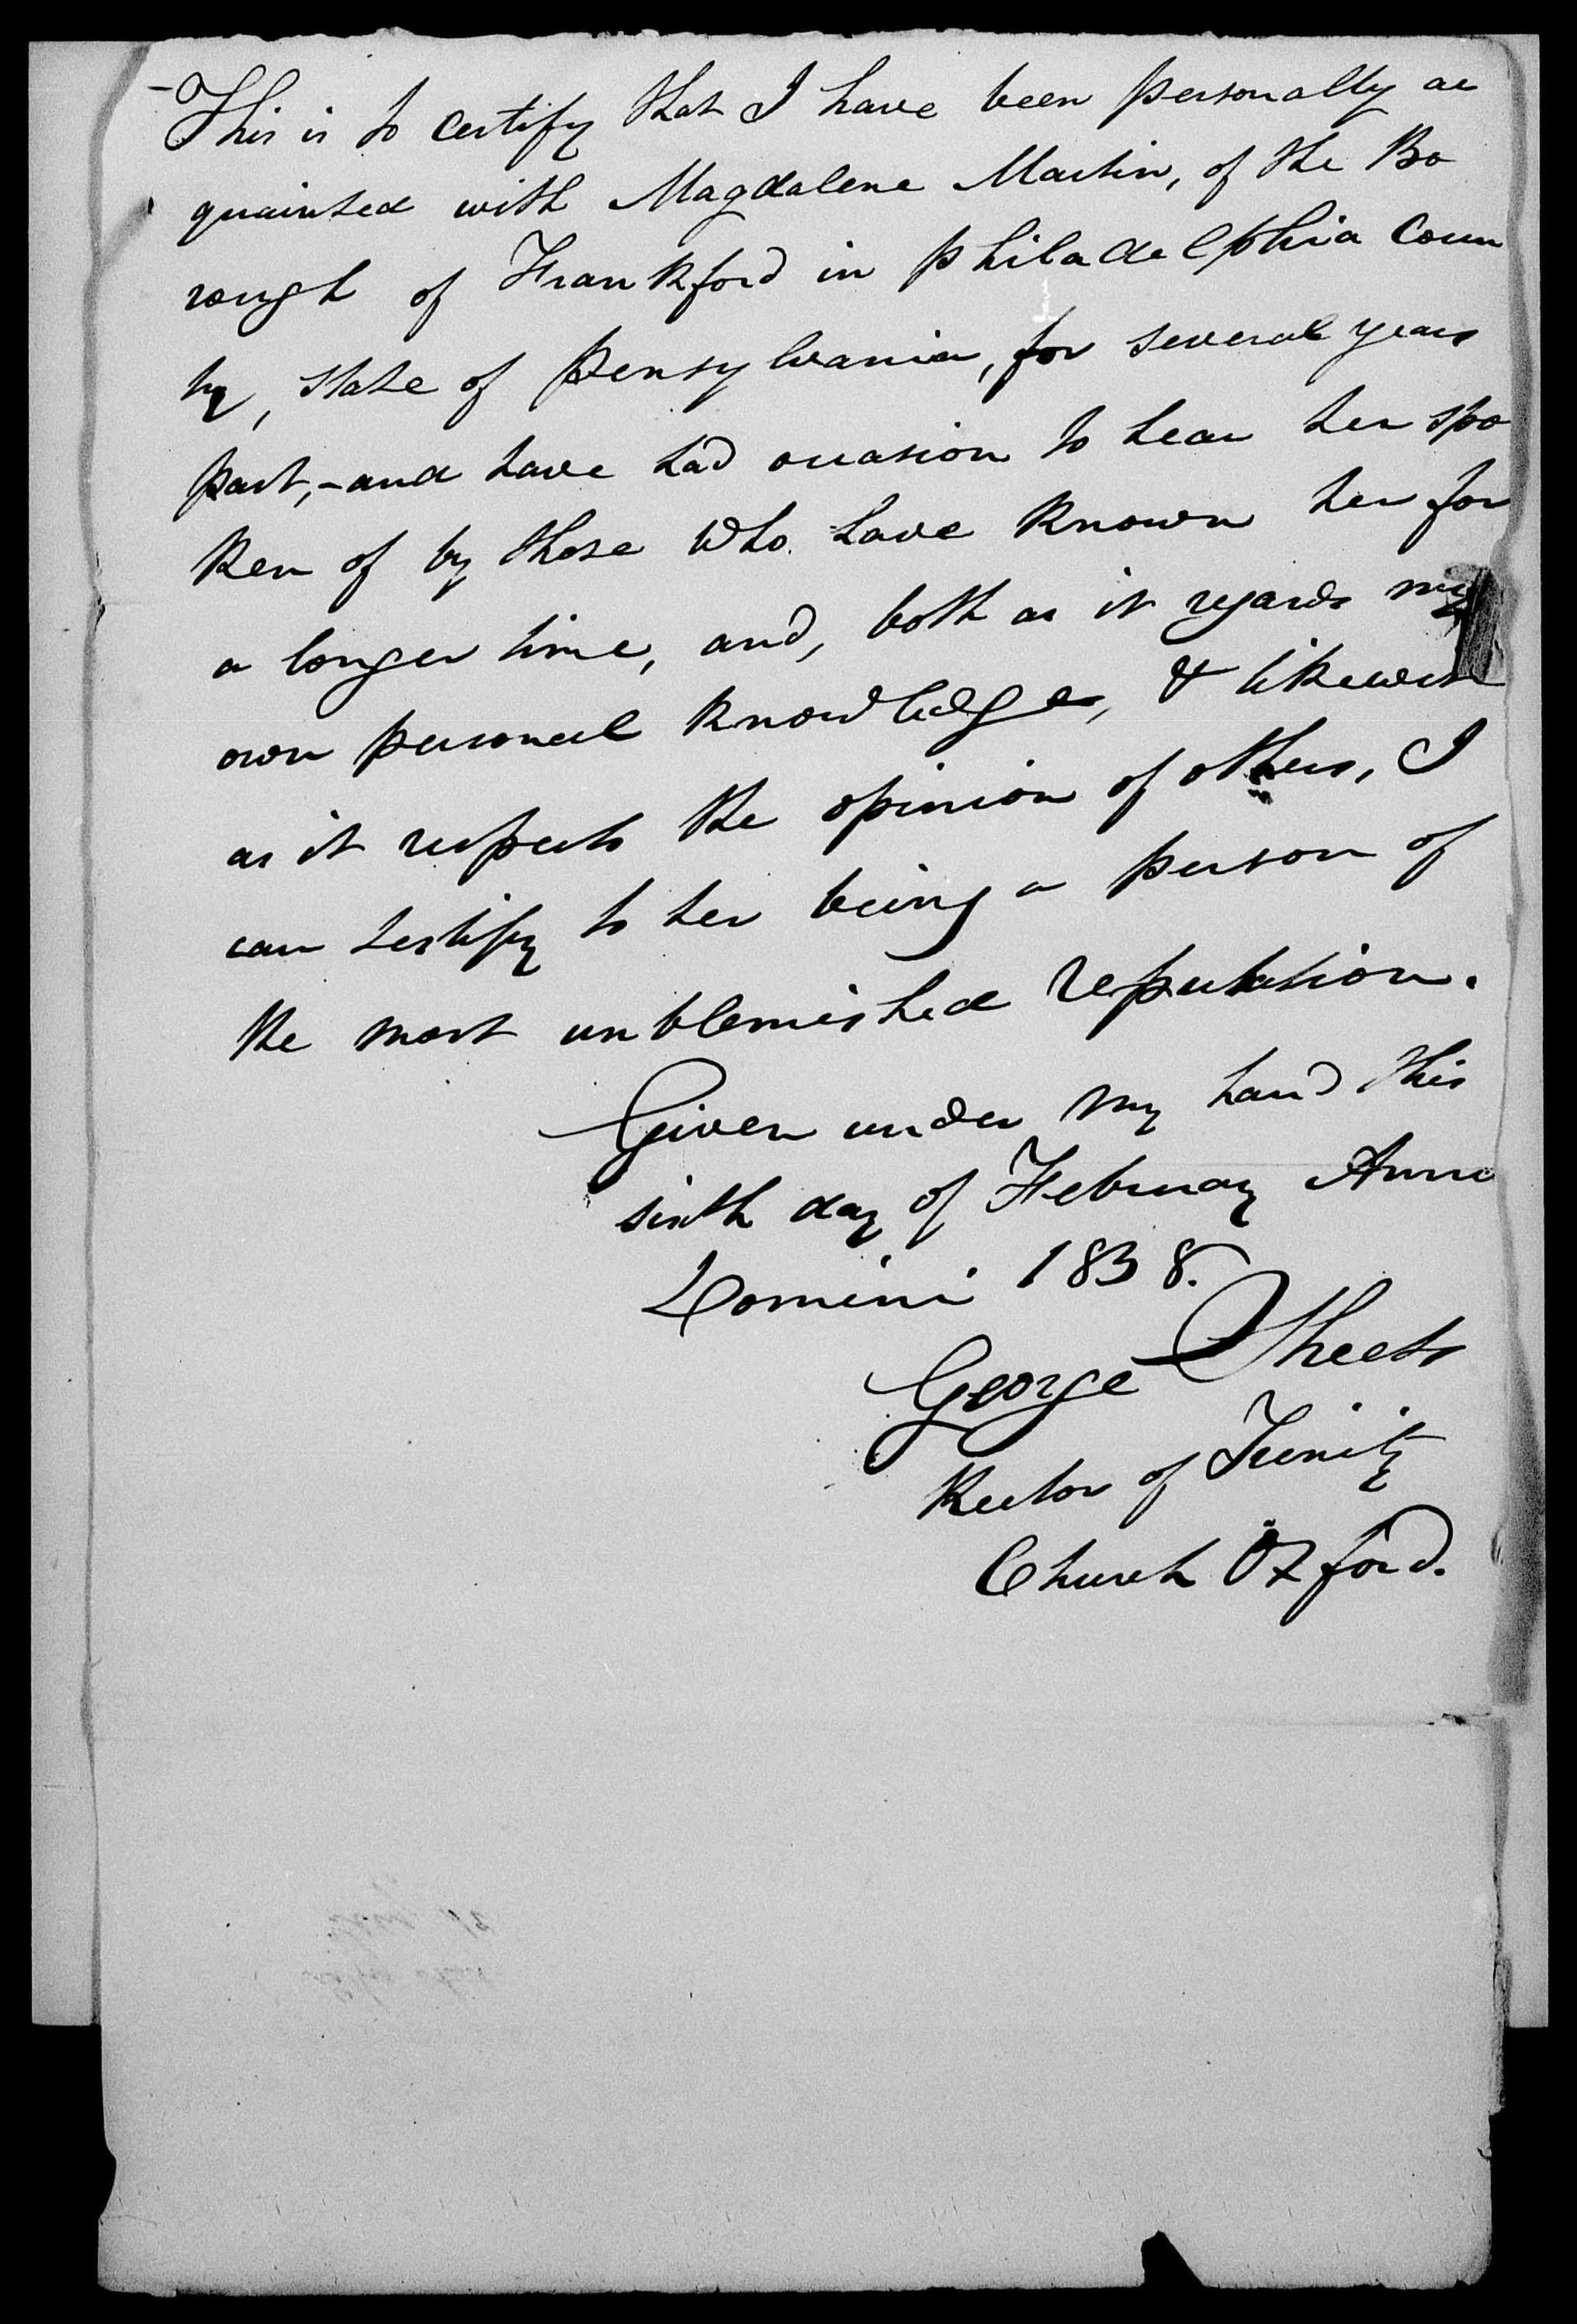This is to certify that I have been personally acquainted with Magdaline Martin, of the Borough of Frankford in Philadelphia County, [illegible] of Pennsylvania, for several years past, and have had occassion to hear her spoken of by those who have known her for a longer time, and both as it [illegible] my own personal knowledge, & likewise as it respects the opinion of others, I can certify to her being a person of the most unblemished reputation.

Given under my hand this sixth day of February Anno Domini 1838.

George Shees
Rector of Trinity Church Oxford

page: 62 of 86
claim: widow's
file: W. 3571, for David Marshall, Pennsylvania